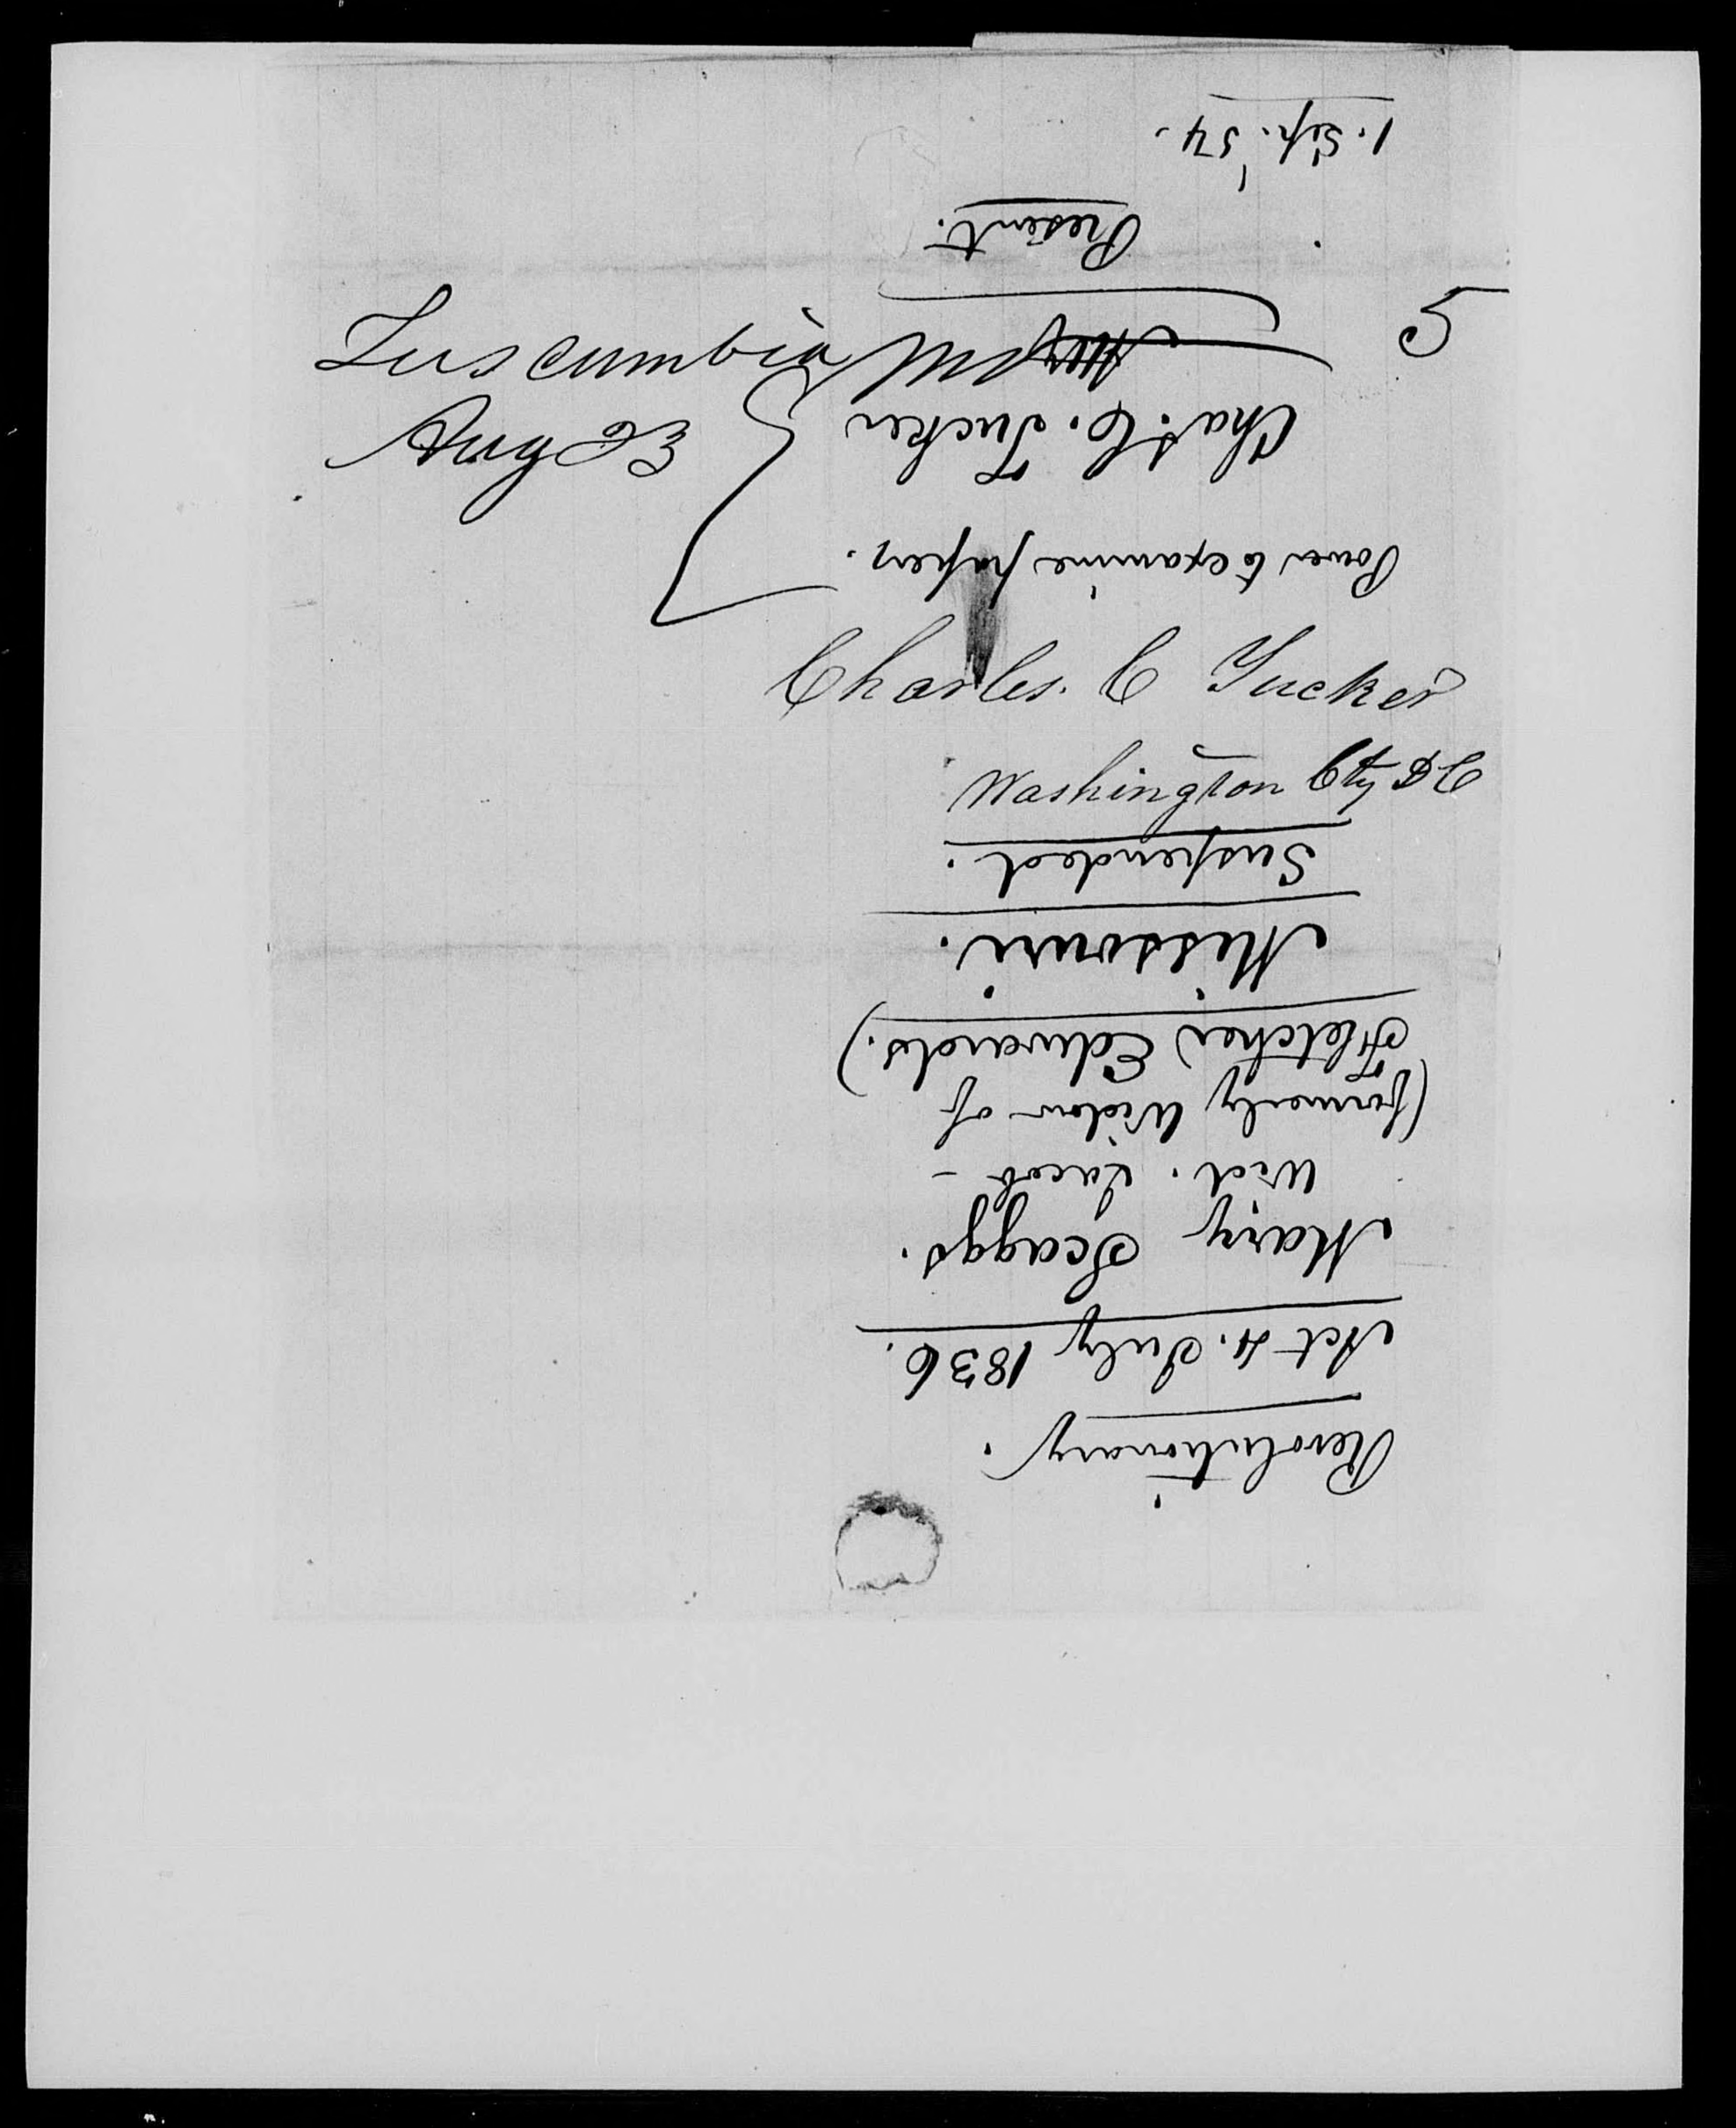Tuscumbia Aug 23
Charles C. Tucker
Washington City D.C.

[upside down]
Revolutionary Act 4 July 1836.
Mary Scaggs.
Wid. Jacob
(formerly widow of Fletcher Edwards)
Missouri.
Suspended.

Power to examine papers-
Chas C. Tucker---
Attorney
Present.
1. Sep. 54.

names: Mary Scaggs, Fletcher Edwards, Charles C Tucker, Jacob Scaggs, Chas C Tucker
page: 8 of 16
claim: rejected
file: R. 9,250, Fletcher Edwards, S.C.